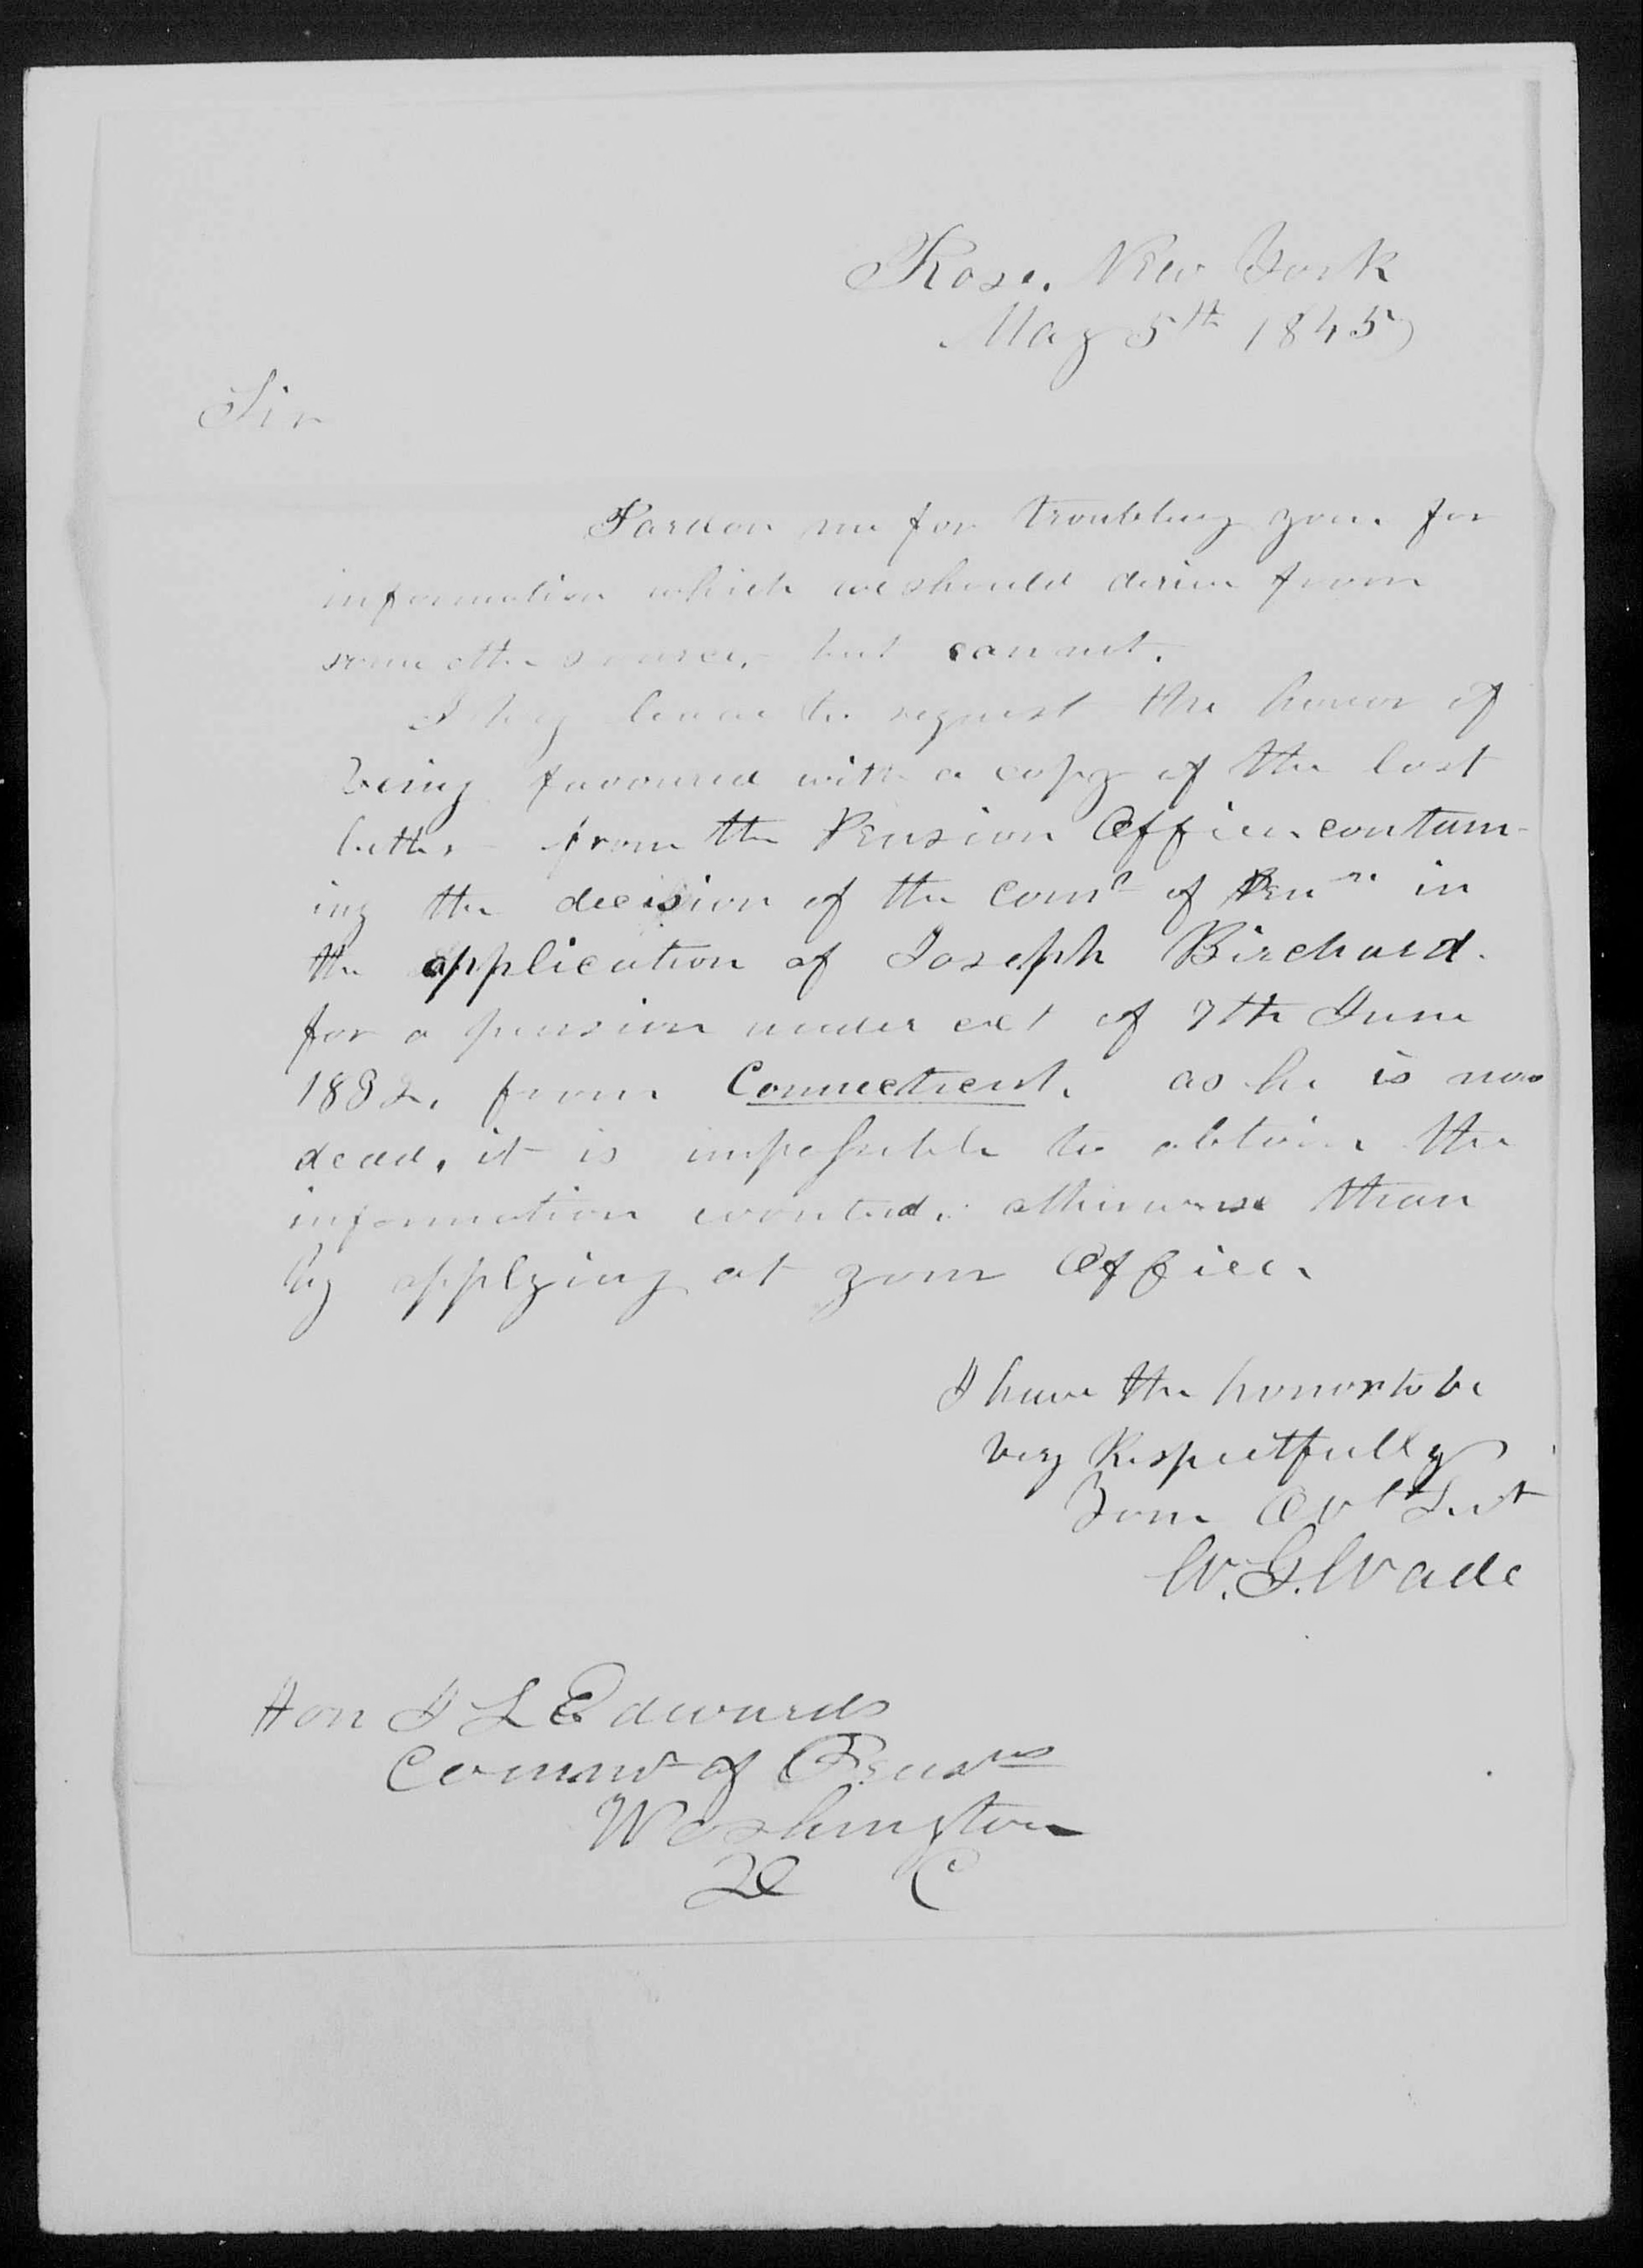Rose, New York
May 5, 1845

Sir, 
Pardon me for troubling you for information which we should desire from some other [illegible], but cannot. 
I by [illegible] to request the honor of being possessed with a copy of the last letter from the Pension office, containing the decision of the Commissioner of Pensions in the application of Joseph Birchard for a pension under act of 7th June 1832, from Connecticut, as he is now dead, it is impossible to obtain the information wanted otherwise [illegible] by applying at your office.

I have the honor to be 
Very Respectfully
Your Obedient Servt.
W.G. Wade

Hon. J.L. Edwards 
Commissioner of Pensions
Washington D.C.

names: W G Wade, J L Edwards, Joseph Birchard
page: 15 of 18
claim: rejected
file: R. 844, Joseph Birchard, Conn.